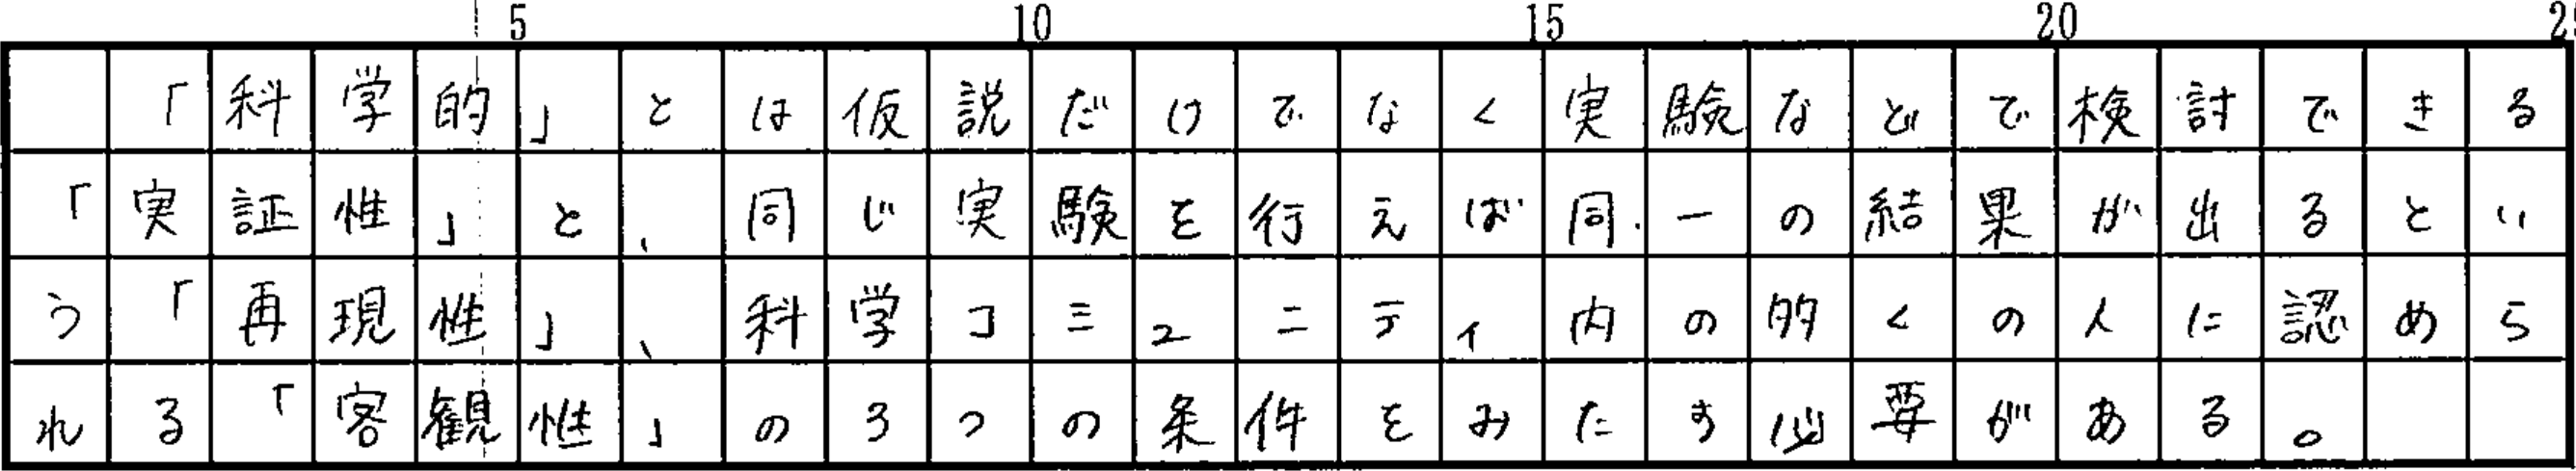　「科学的」とは仮説だけでなく実験などで検討できる「実証性」と、同じ実験を行えば同一の結果が出るという「再現性」、科学コミュニティ内の多くの人に認められる「客観性」の３つの条件をみたす必要がある。
